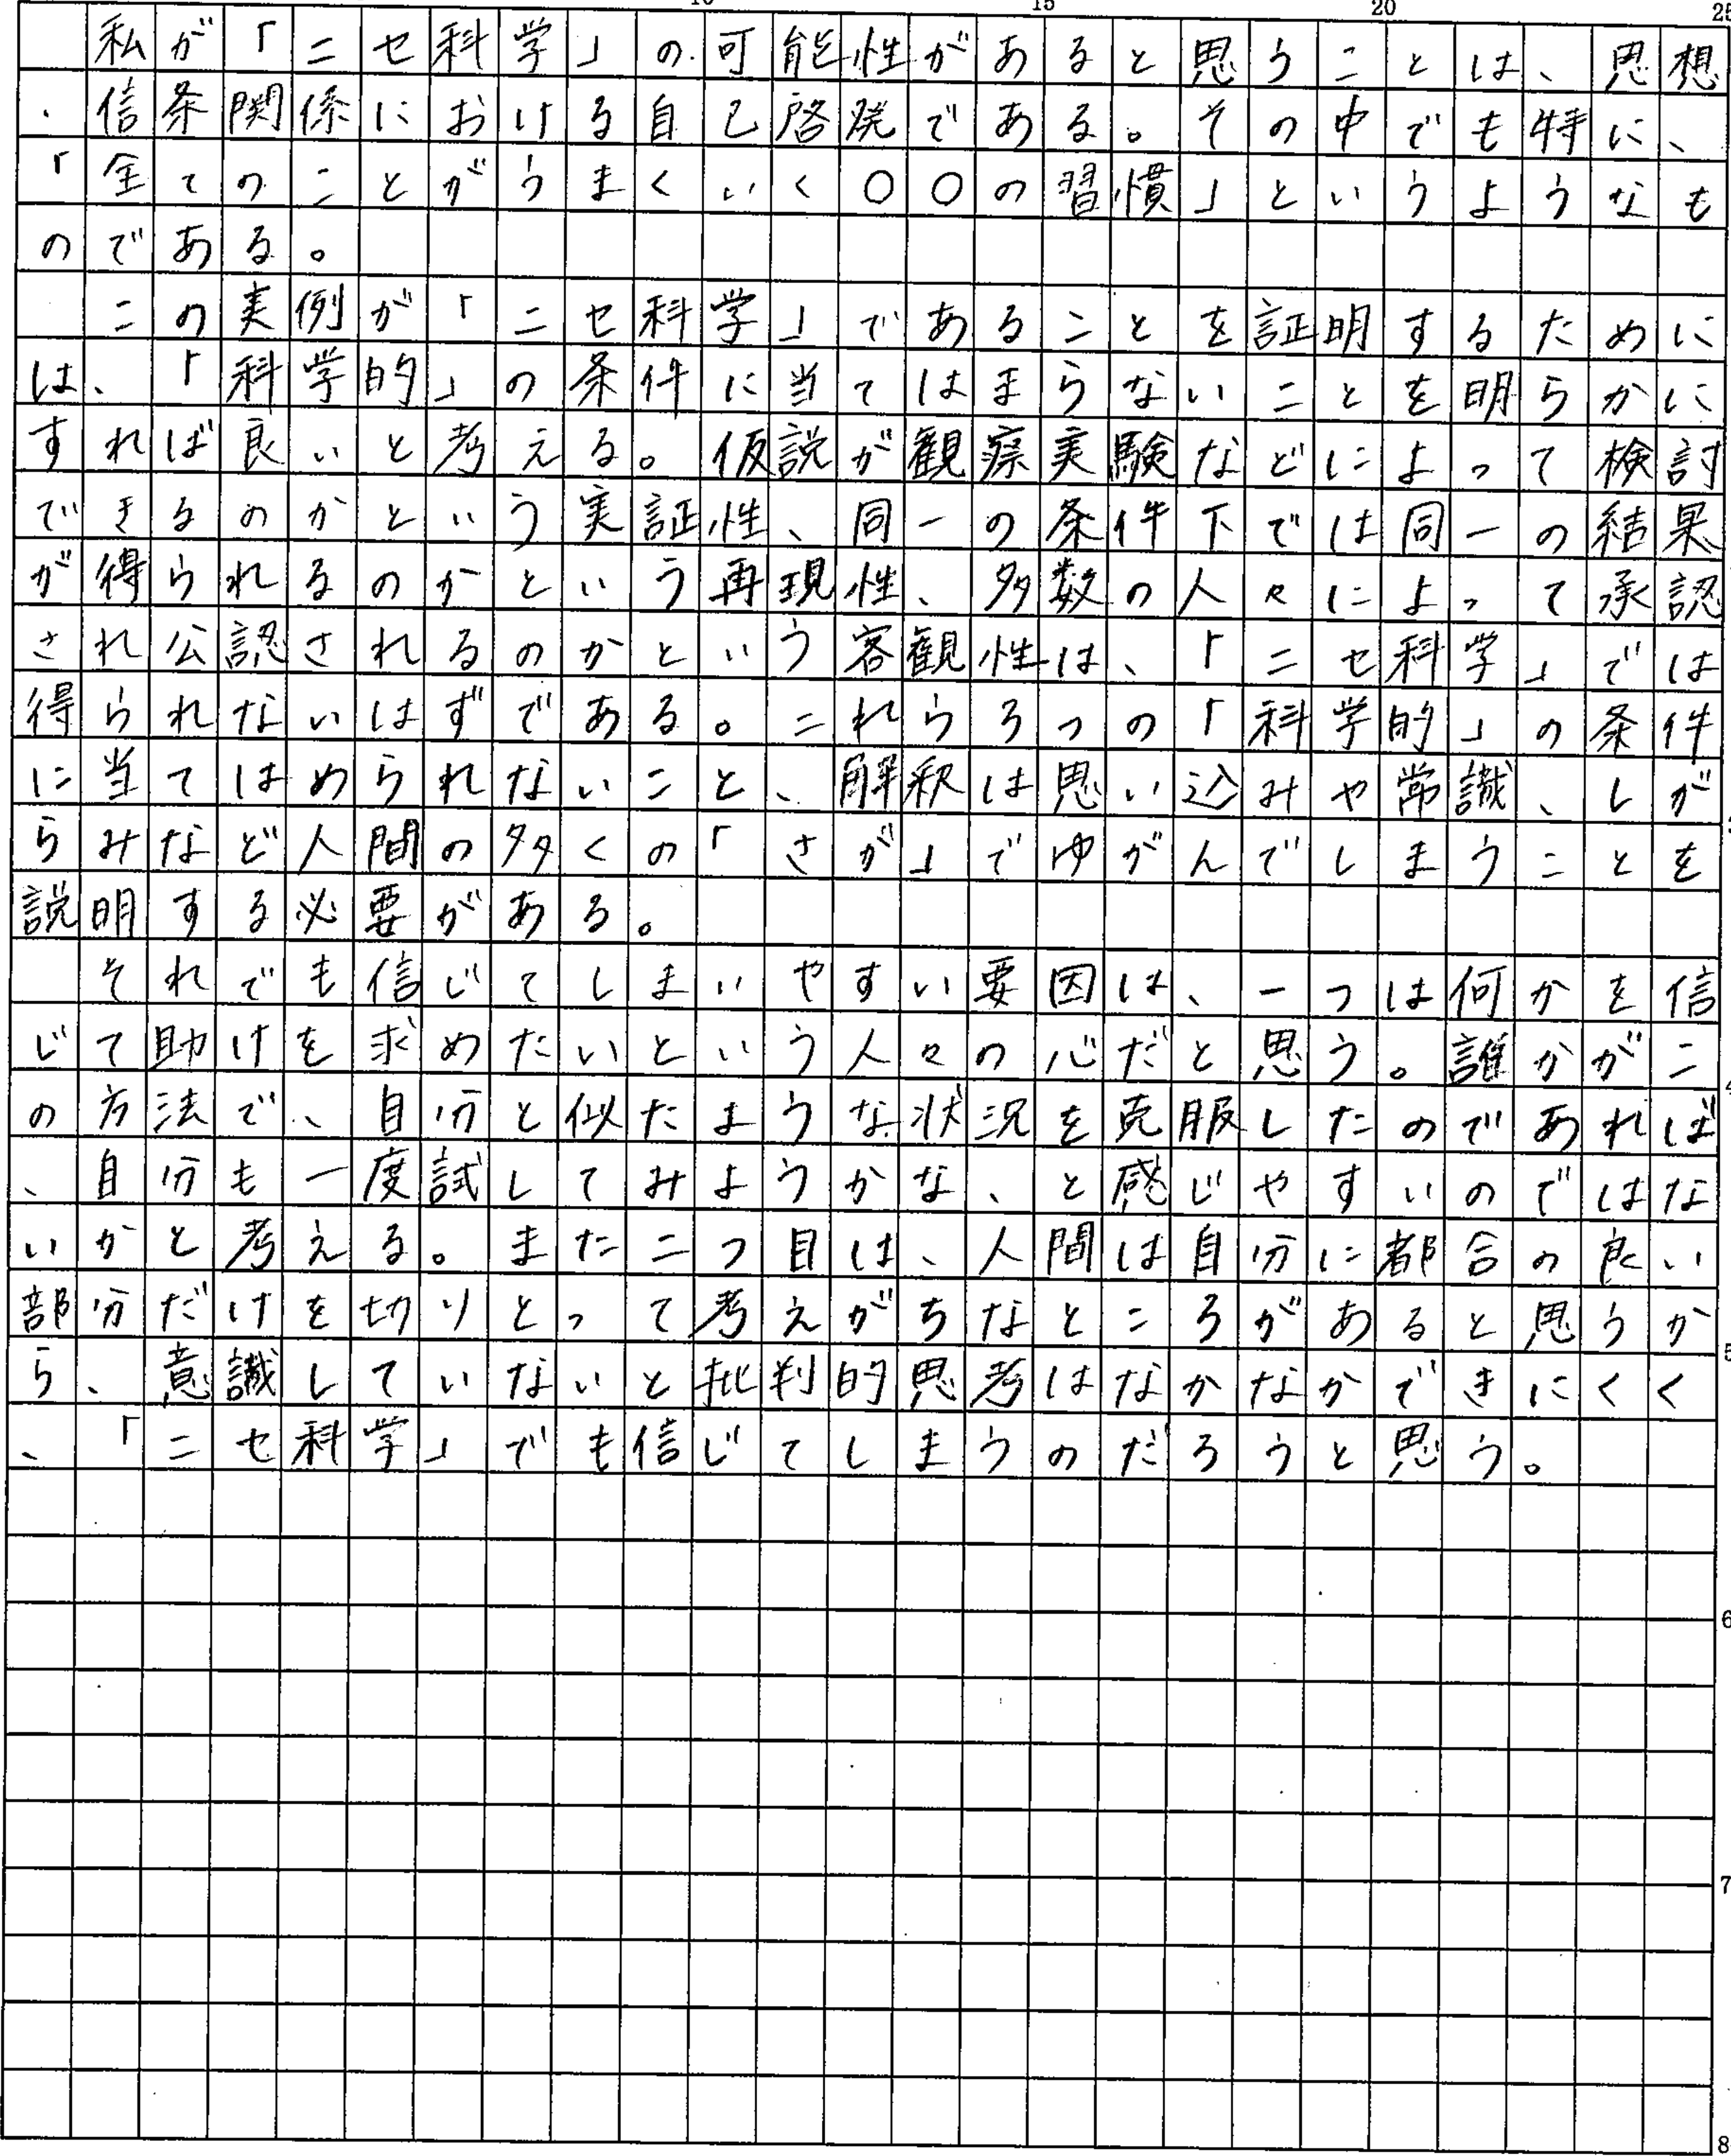　私が「ニセ科学」の可能性があると思うことは、思想・信条関係における自己啓発である。その中でも特に、「全てのことがうまくいく○○の習慣」というようなものである。
　この実例が「ニセ科学」であることを証明するためには、「科学的」の条件に当てはまらないことを明らかにすれば良いと考える。仮説が観▁実験などによって検討できるのかという実証性、同一の条件下では同一の結果が得られるのかという再現性、多数の人々によって承認され公認されるのかという客観性は、「ニセ科学」では得られないはずである。これら３つの「科学的」の条件に当てはめられないこと、解釈は思い込みや常識、しがらみなど人間の多くの「さが」でゆがんでしまうことを説明する必要がある。
　それでも信じてしまいやすい要因は、一つは何かを信じて助けを求めたいという人々の心だと思う。誰かがこの方法で、自分と似たような状況を克服したのであれば、自分も一度試してみようかな、と感じやすいのではないかと考える。また二つ目は、人間は自分に都合の良い部分だけを切りとって考えがちなところがあると思うから、意識していないと批判的思考はなかなかできにくく、「ニセ科学」でも信じてしまうのだろうと思う。
